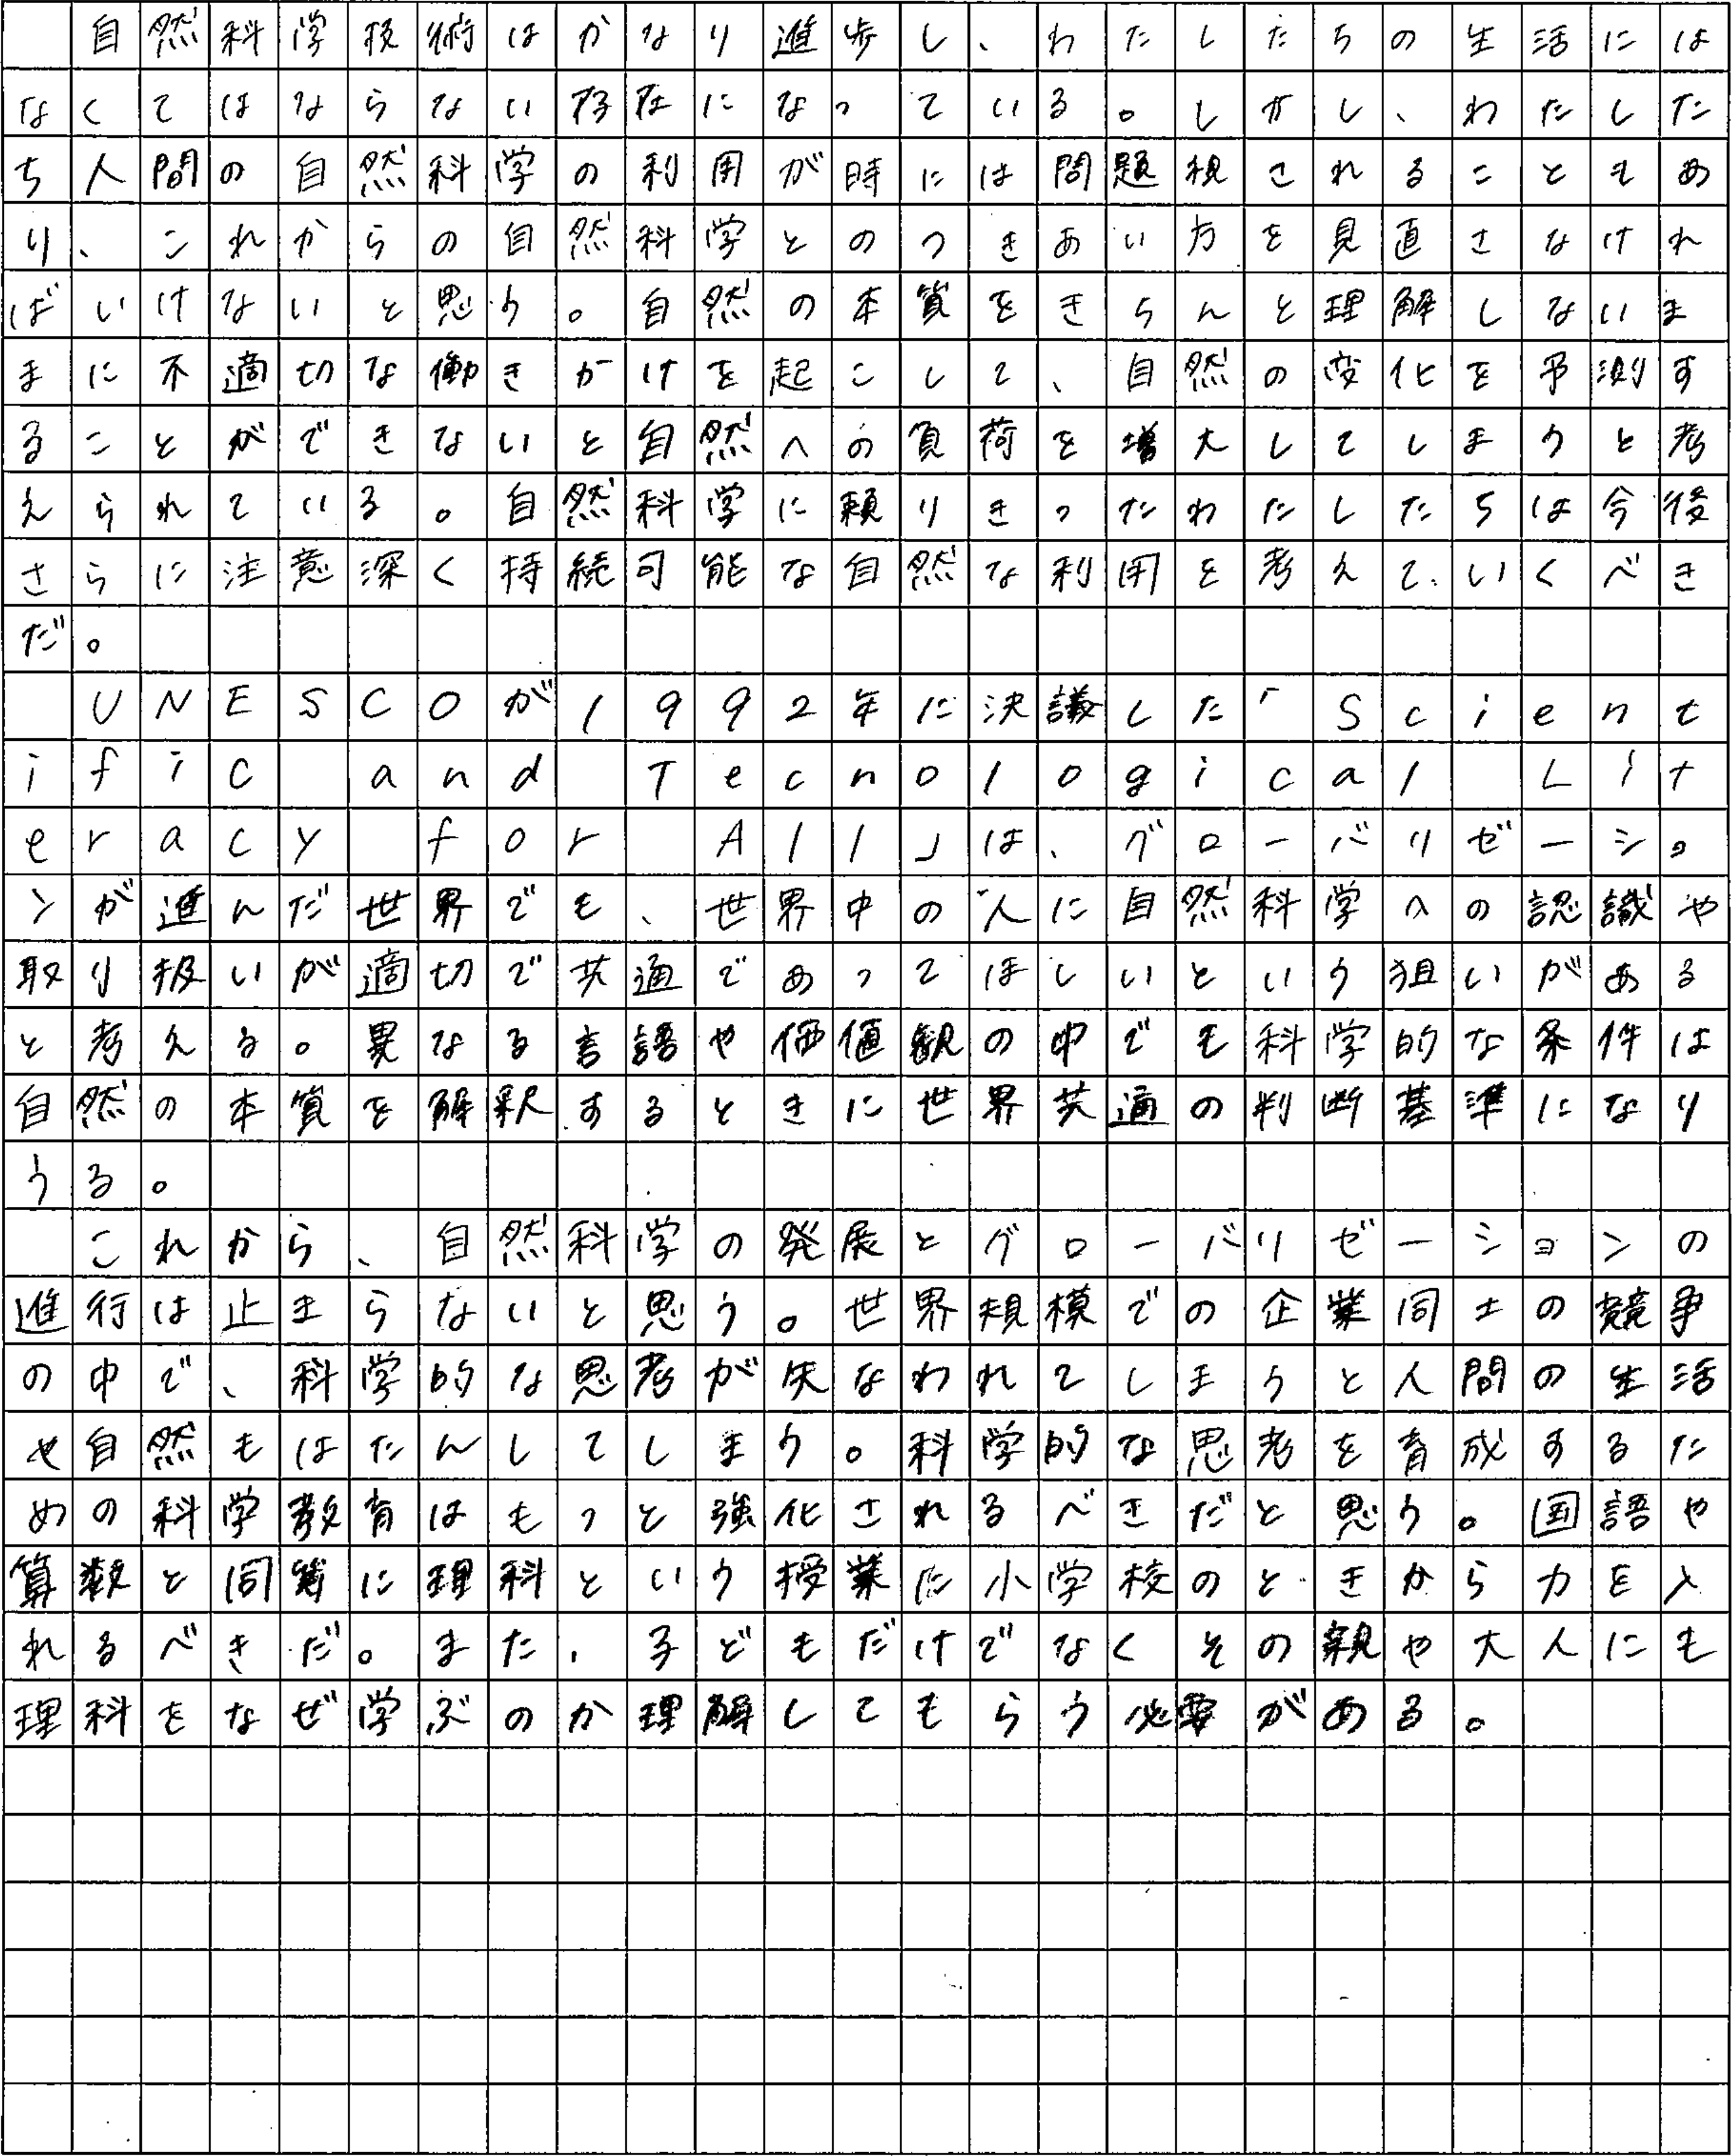　自然科学技術はかなり進歩し、わたしたちの生活にはなくてはならない存在になっている。しかし、わたしたち人間の自然科学の利用が時には問題視されることもあり、これからの自然科学とのつきあい方を見直さなければいけないと思う。自然の本質をきちんと理解しないままに不適切な働きかけを起こして、自然の変化を予測することができないと自然への負荷を増大してしまうと考えられている。自然科学に頼りきったわたしたちは今後さらに注意深く持続可能な自然な利用を考えていくべきだ。
　ＵＮＥＳＣＯが１９９２年に決議した「Ｓｃｉｅｎｔｉｆｉｃ　ａｎｄ　Ｔｅｃｎｏｌｏｇｉｃａｌ　Ｌｉｔｅｒａｃｙ　ｆｏｒ　Ａｌｌ」は、グローバリゼーションが進んだ世界でも、世界中の人に自然科学への認識や取り扱いが適切で共通であってほしいという狙いがあると考える。異なる言語や価値観の中でも科学的な条件は自然の本質を解釈するときに世界共通の判断基準になりうる。
　これから、自然科学の発展とグローバリゼーションの進行は止まらないと思う。世界規模での企業同士の競争の中で、科学的な思考が失なわれてしまうと人間の生活や自然もはたんしてしまう。科学的な思考を育成するための科学教育はもっと強化されるべきだと思う。国語や算数と同等に理科という授業に小学校のときから力を入れるべきだ。また、子どもだけでなくその親や大人にも理科をなぜ学ぶのか理解してもらう必要がある。
